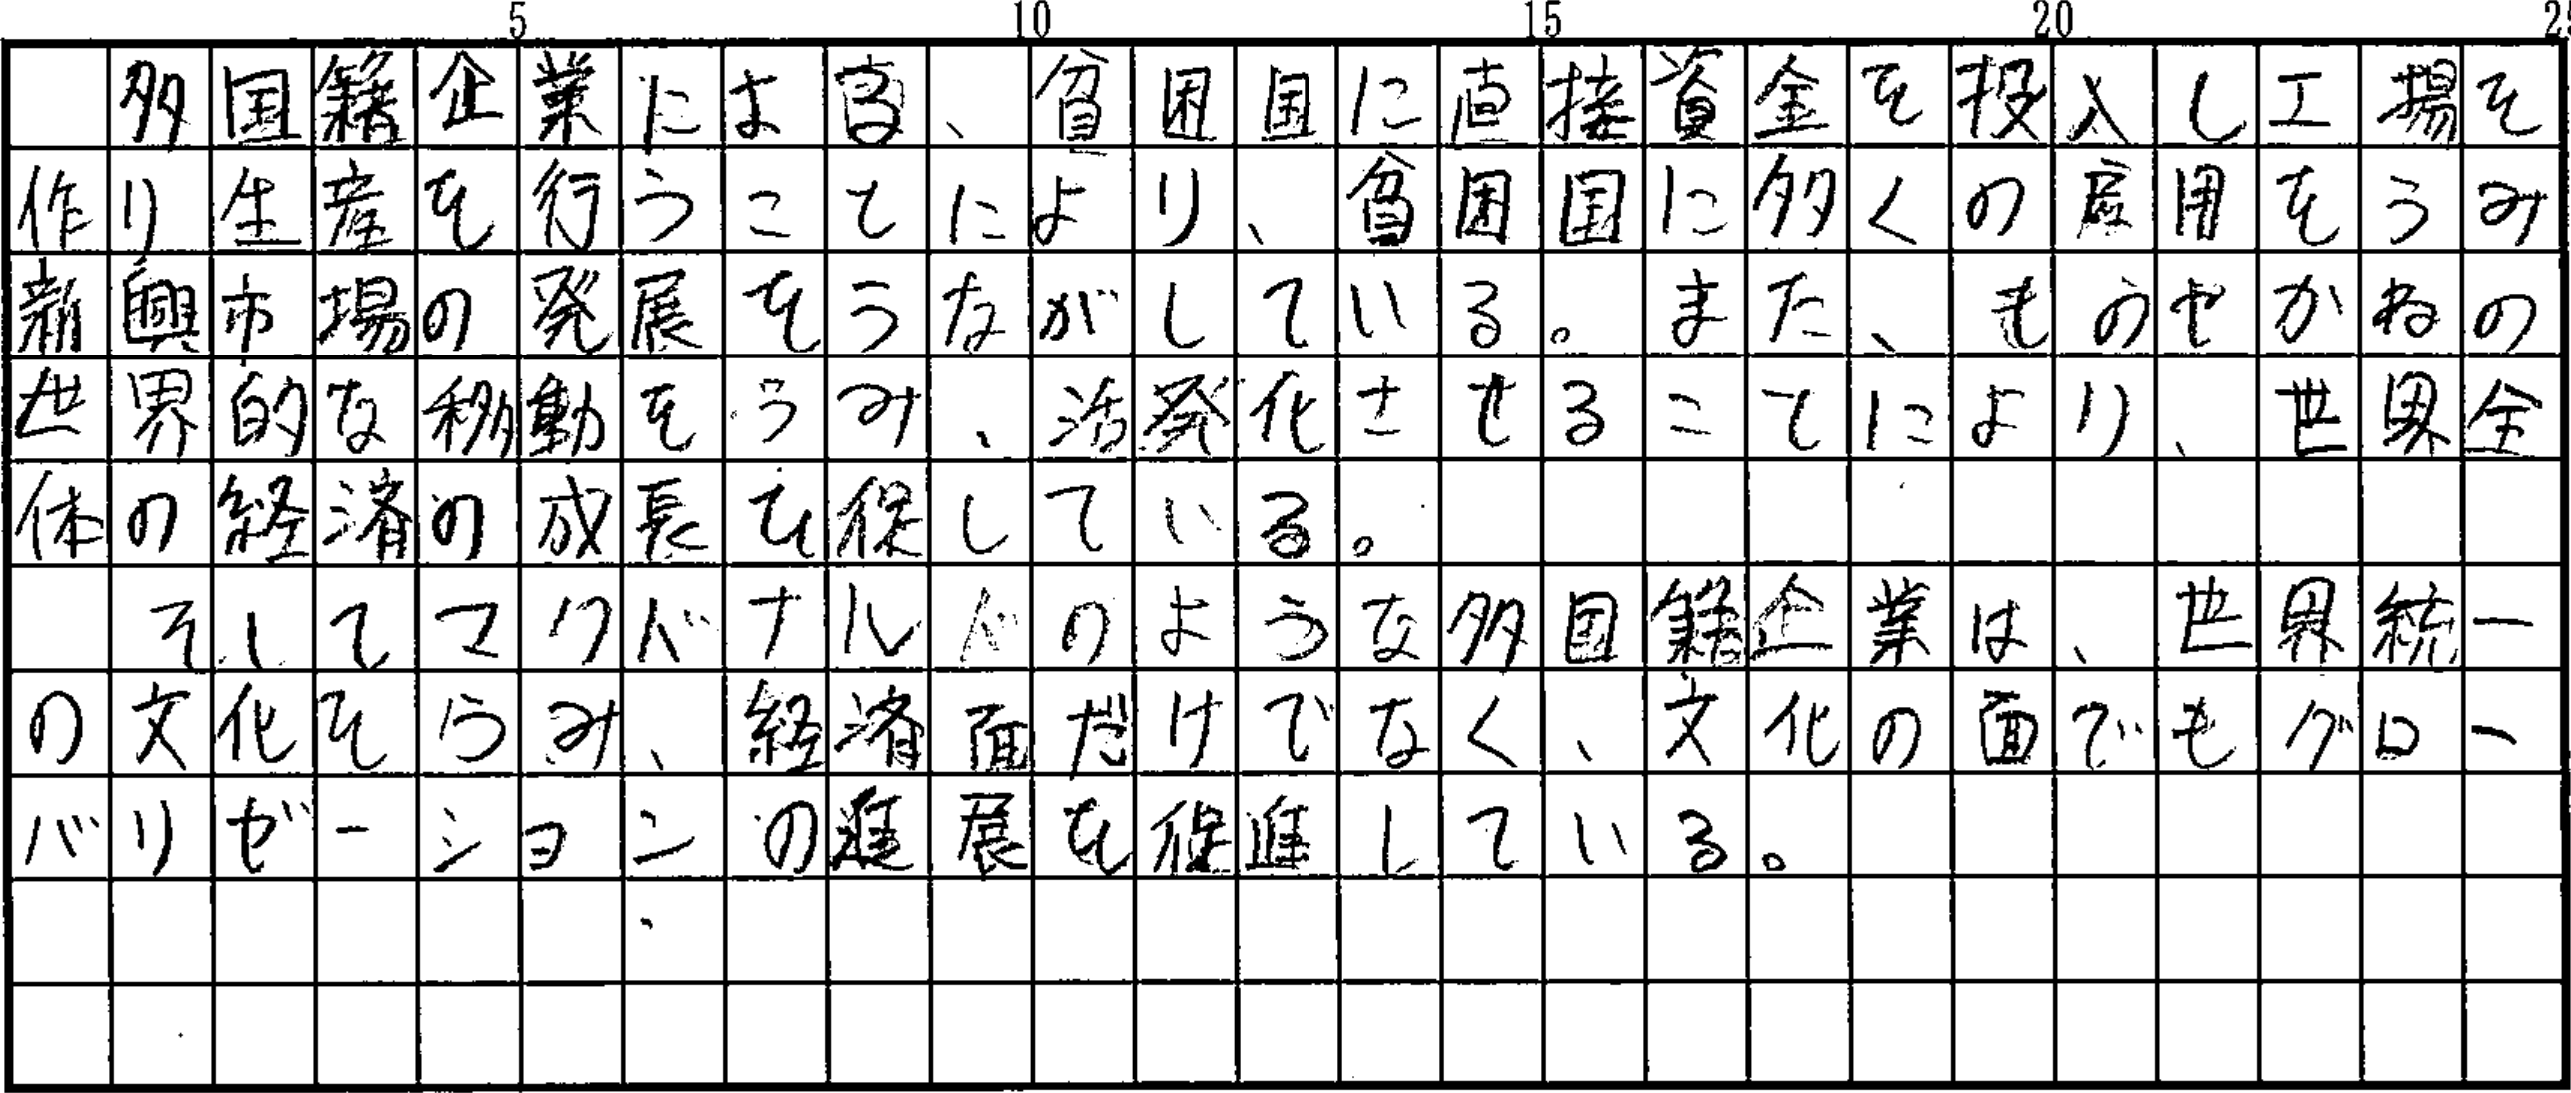　多国籍企業による、貧困国に直接資金を投資し工場を作り生産を行うことにより、貧困国に多くの雇用をうみ新興市場の発展をうながしている。また、ものやかねの世界的な移動をうみ、活発化させることにより、世界全体の経済の成長を▁している。
　そしてマクドナルドのような多国籍企業は、世界統一の文化をうみ、経済面だけでなく、文化の面でもグローバリゼーションの進展を▁進している。
